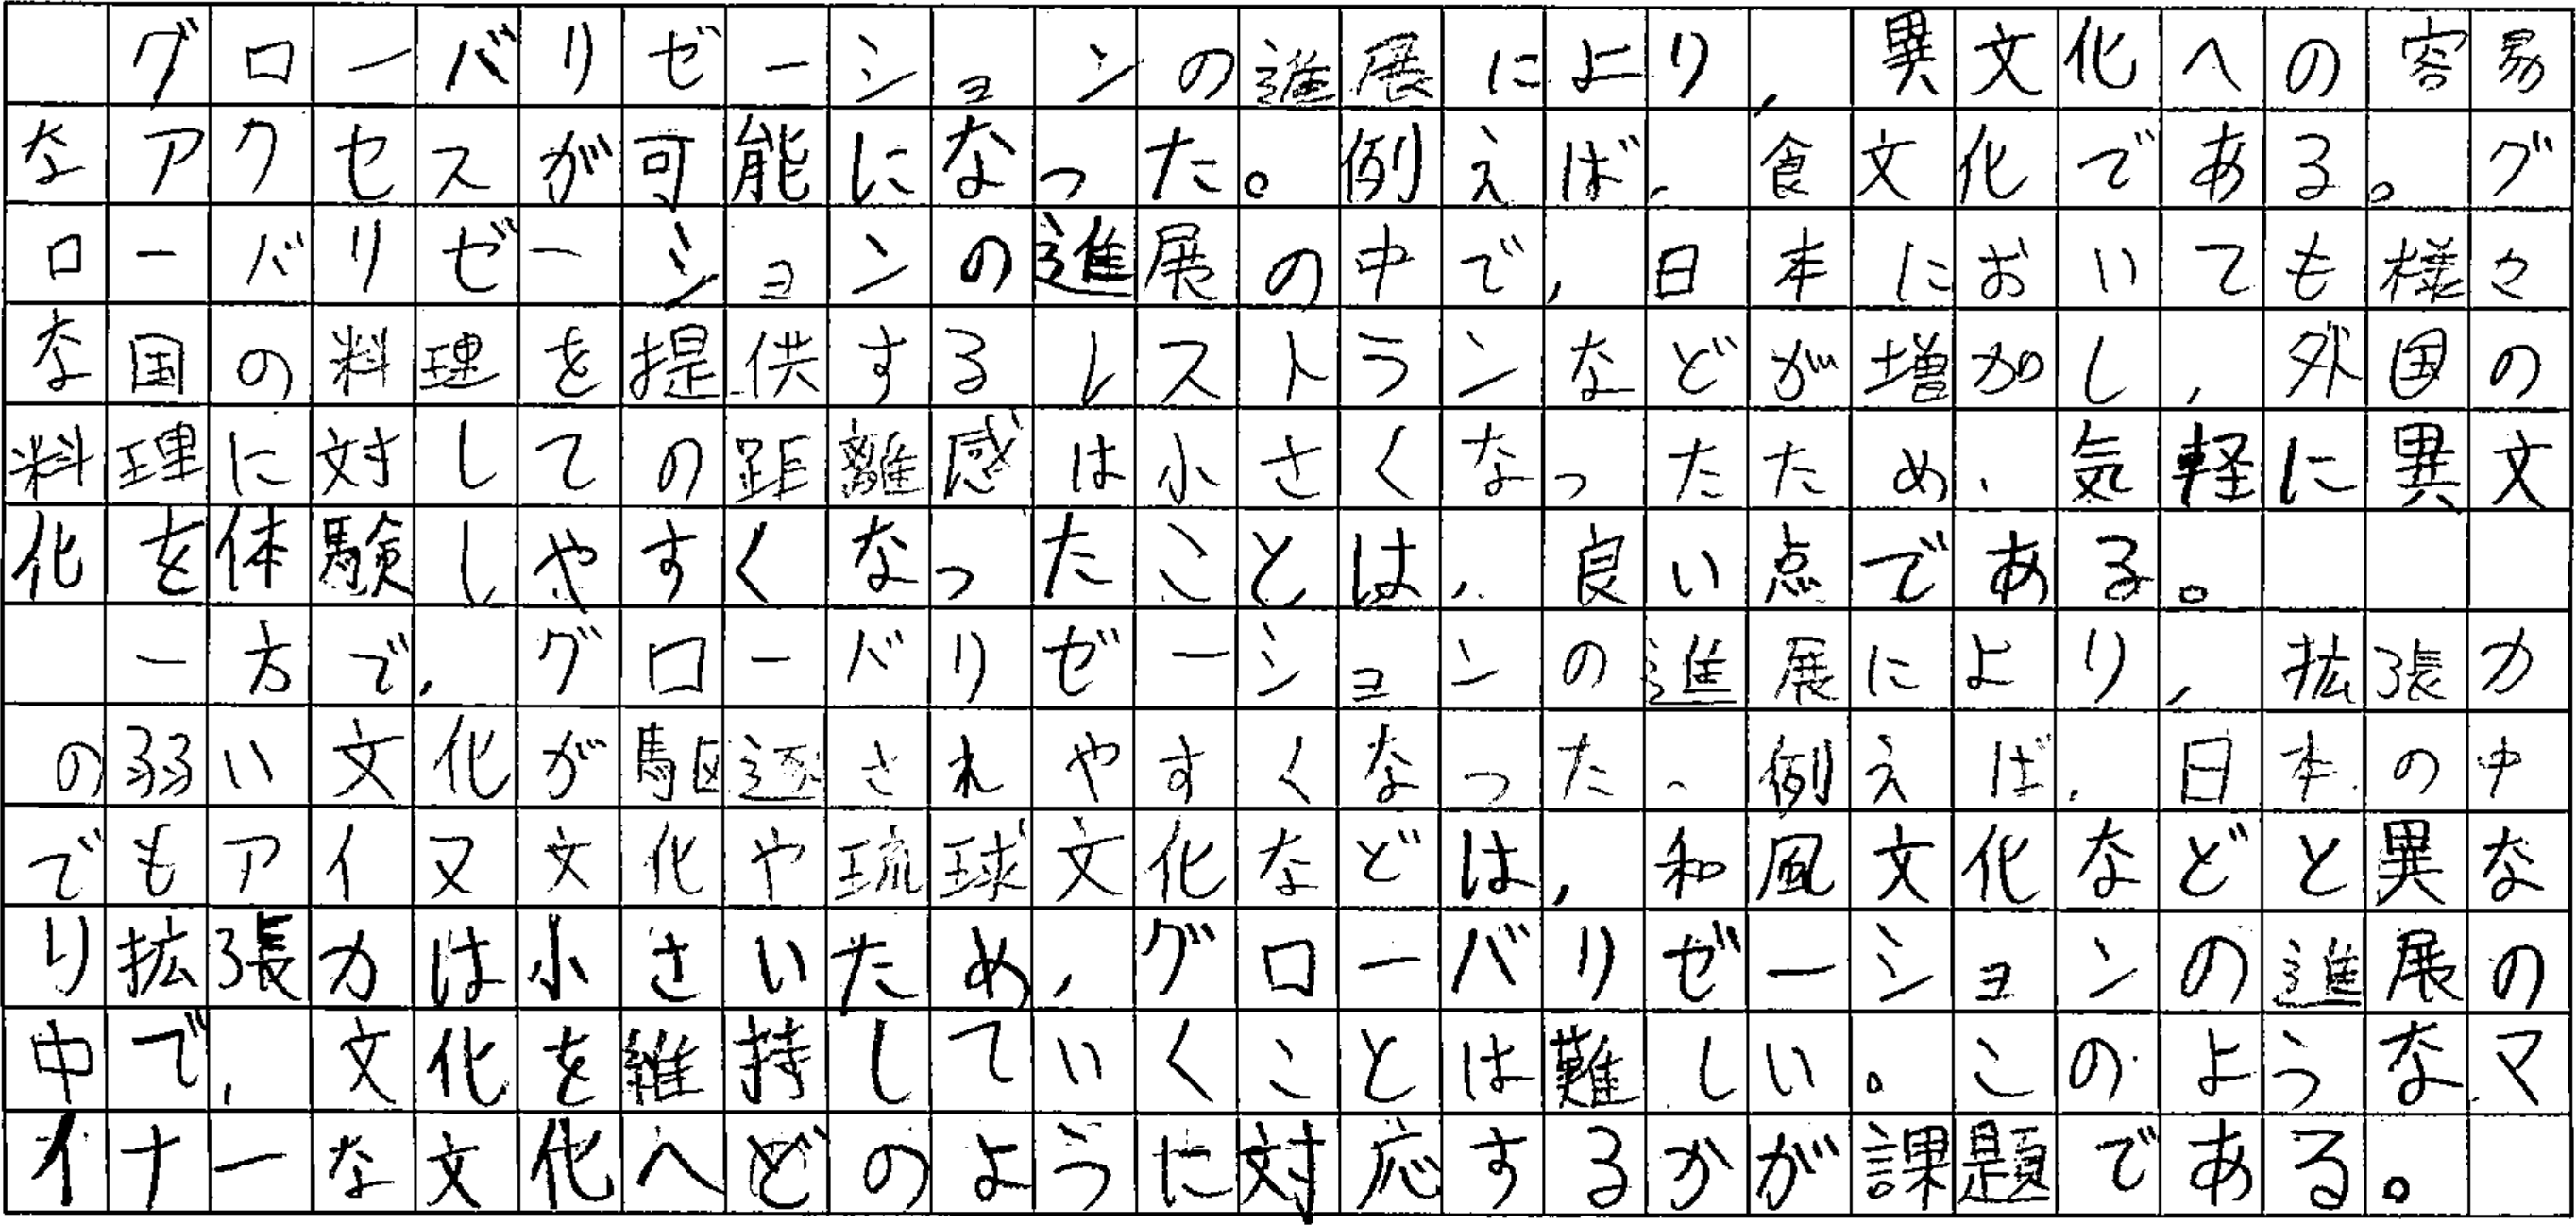　グローバリゼーションの進展により、異文化への容易なアクセスが可能になった。例えば、食文化である。グローバリゼーションの進展の中で、日本においても様々な国の料理を提供するレストランなどが増加し、外国の料理に対しての距離感は小さくなったため、気軽に異文化を体験しやすくなったことは、良い点である。
　一方で、グローバリゼーションの進展により、拡張力の弱い文化が駆逐されやすくなった。例えば、日本の中でもアイヌ文化や琉球文化などは、和風文化などと異なり拡張力は小さいため、グローバリゼーションの進展の中で、文化を維持していくことは難しい。このようなマイナーな文化へどのように対応するかが課題である。
